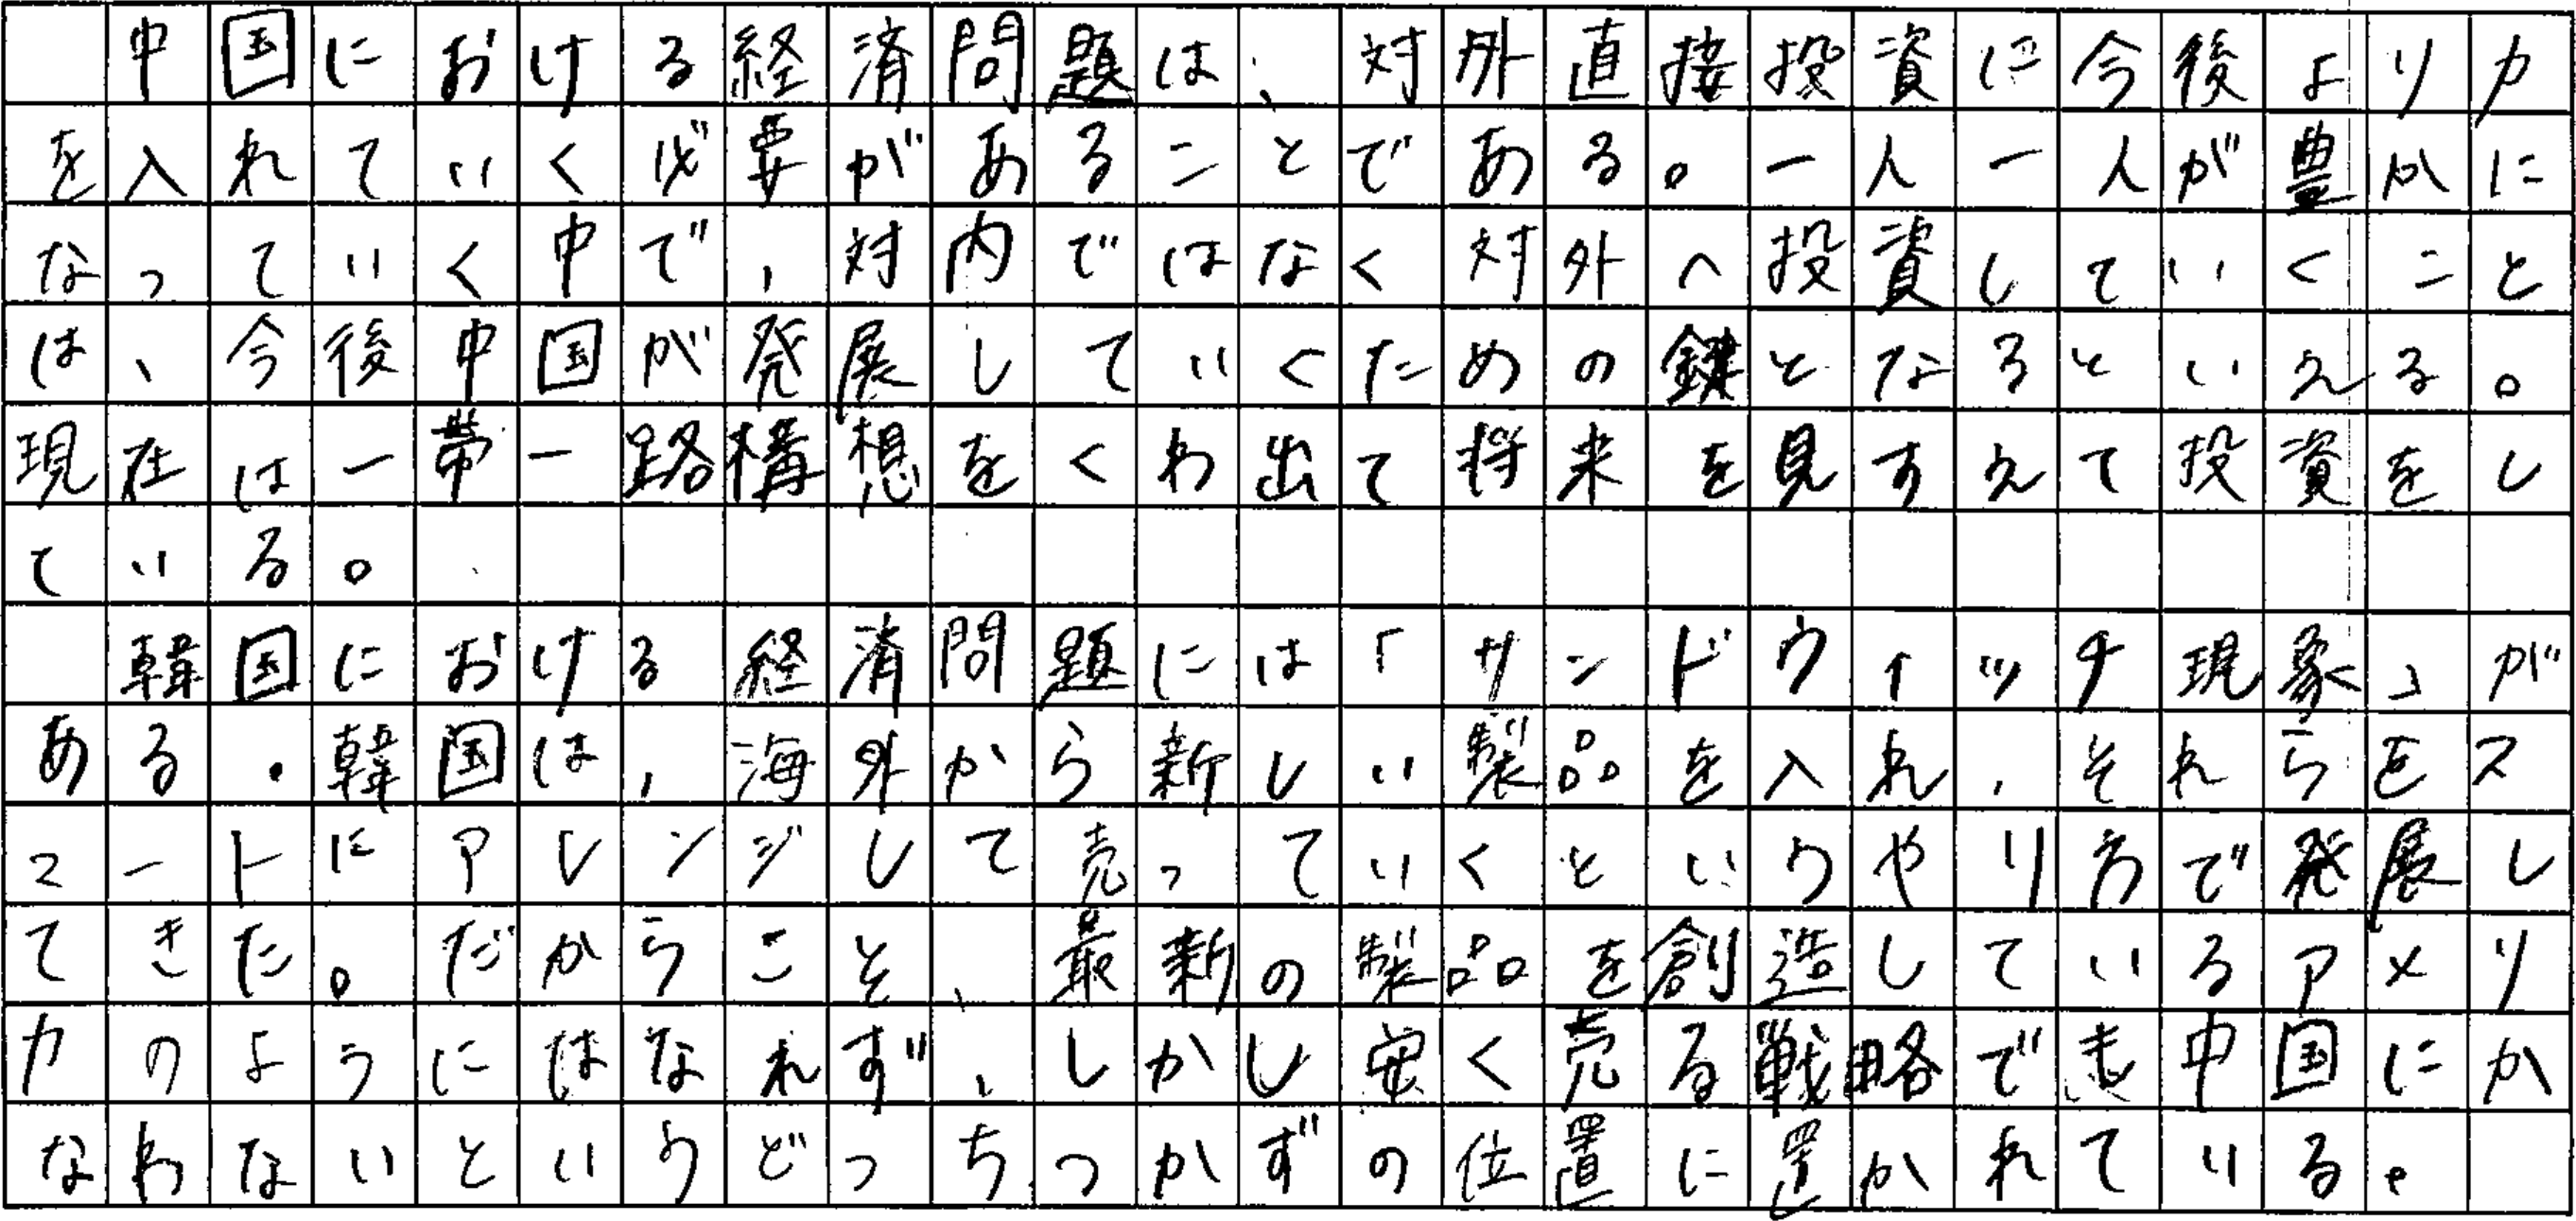　中国における経済問題は、対外直接投資に今後より力を入れていく必要があることである。一人一人が豊かになっていく中で，対内ではなく対外へ投資していくことは、今後中国が発展していくための鍵となるといえる。現在は一帯一路構想をくわ出て将来を見すえて投資をしている。
　韓国における経済問題には「サンドウィッチ現象」がある。韓国は，海外から新しい製品を入れ，それらをスマートにアレンジして売っていくというやり方で発展してきた。だからこそ、最新の製品を創造しているアメリカのようにはなれず、しかし安く売る戦略でも中国にかなわないというどっちつかずの位置に置かれている。
